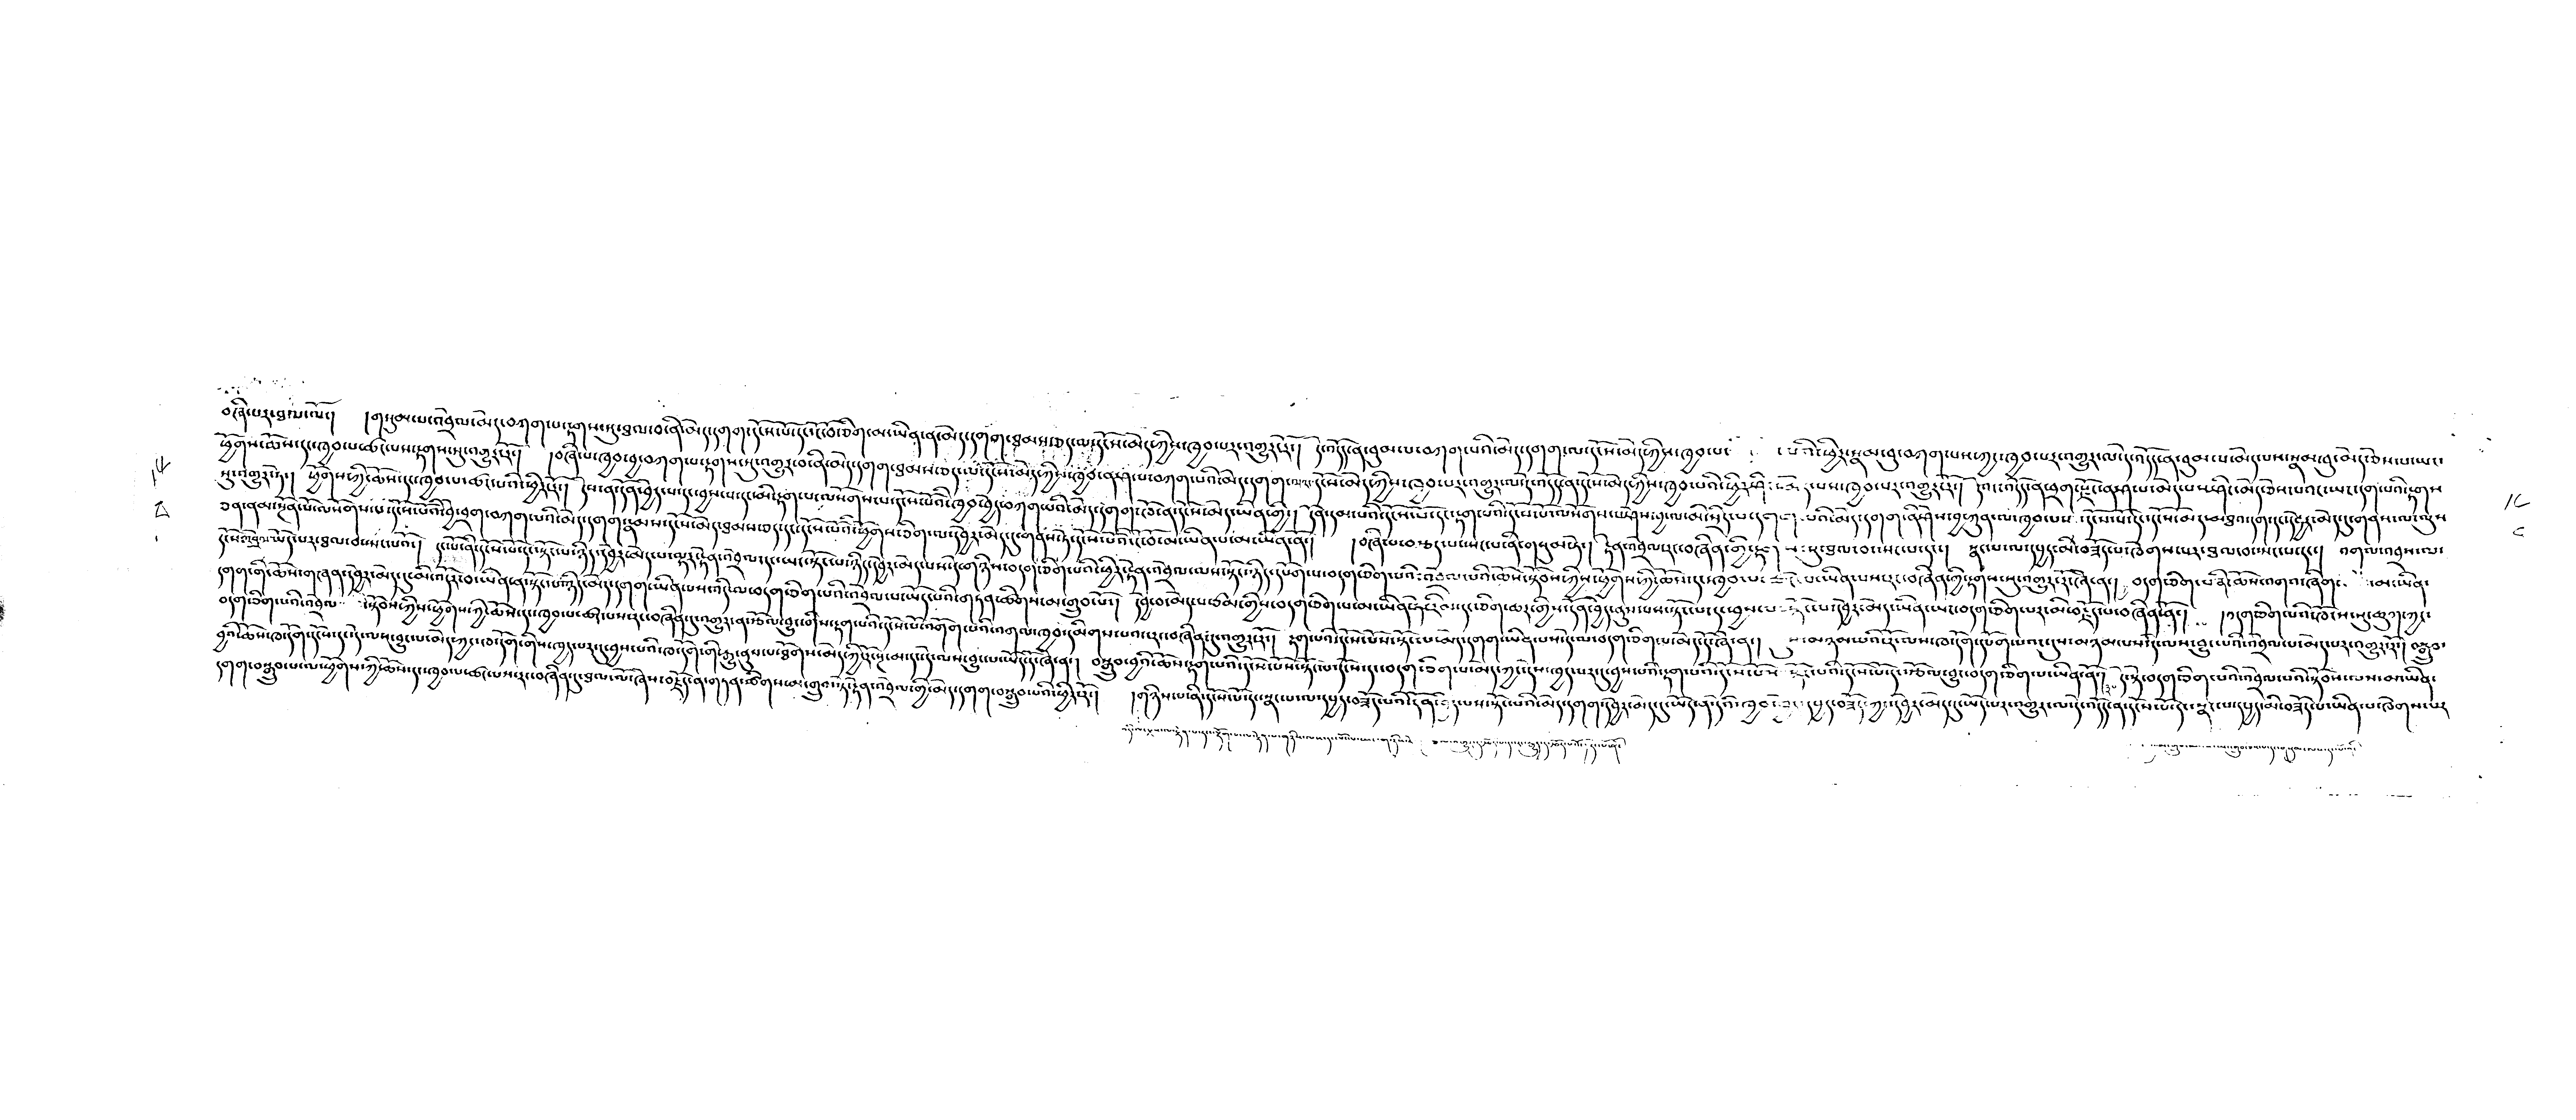བཞི་པར་ཐལ་ལོ། །གསུམ་པ་འབྲེལ་མེད་བཀག་པ་རྟགས་སུ་ཐལ་བ་ནི་མེད་དགག་དངོས་པོ་དངོས་པོ་ཅིག་མ་ཡིན་ན་མེད་དགག་ཐམས་ཅད་མ་དངོས་མེད་ཀྱིས་ཁྱབ་པར་འགྱུར་རོ། དེ་འདོད་ན་བུམ་པ་བཀག་པའི་མེད་དགག་ལ་དངོས་མེད་ཀྱིས་ཁྱབ་པའི་ཕྱིར་སྣམ་བུ་བཀག་པས་ཀྱང་ཁྱབ་པར་འགྱུར་ལ། དེ་འདོད་ན། བུམ་པ་མེད་པས་སྣམ་བུ་མེད་ཅེས་པ་ཡང་
ཕྱོགས་མོས་དང་ཁྱབ་པ་ཚང་པས་རྟགས་སུ་འགྱུར་རོ། །བཞི་པ་ཁྱབ་བྱ་བཀག་པ་རྟགས་སུ་འགྱུར་བ་ནི་མེད་དགག་ཐམས་ཅད་པ་དངོས་མེད་ཀྱིས་ཁྱབ་ན་ཤ་པ་བཀག་པའི་མེད་དགག་ལའང་དངོས་མེད་ཀྱིས་ཁྱབ་པར་འགྱུར་ལ། དེ་འདོད་ན། དངོས་མེད་ཀྱིས་ཁྱབ་པའི་ཕྱིར་ཤི་བ་མེད་པས་ཁྱབ་པར་འགྱུར་རོ། དེའང་འདོད་ན་ཕྲག་རྫོགས་ན་ཤ་པ་མེད་པས་ཤིང་མེད་ཅེས་པའང་ཡང་དག་པའི་རྟགས་
སུ་འགྱུར་ཏེ། ཕྱོགས་ཀྱི་མོས་དང་ཁྱབ་པ་ཚང་པའི་ཕྱིར་རོ། །དེས་ན་དོན་བྱེད་པ་དང་བྱས་པ་དང་མི་རྟག་པ་ལ་སོགས་པ་དངོས་པོའི་ཁྱབ་བྱེད་བཀག་པའི་མེད་དགག་ཁོ་ན་དངོས་མེད་ཡིན་གྱི། དོན་དམ་པའི་དངོས་པོ་དང་རྟག་པའི་དངོས་པོ་ལ་སོགས་པ་ཤེས་བྱ་ལ་མི་སྲིད་པ་དགག་པའི་མེད་དགག་ནི་ཤེས་བྱ་ཀུན་ལ་ཁྱབ་པས་དེ་སོ་སོ་དང་དངོས་མེད་མཐའ་དག་དང་དབྱེར་མེད་དུ་གནས་ལ་ལུས་
ཅན་ནམ་སྔོན་པོ་ལ་སོགས་པ་དངོས་པོའི་བྱེ་བྲག་བཀག་པའི་མེད་དགག་རྣམས་དངོས་མེད་ཐམས་ཅད་དང་དངོས་པོའི་ཕྱོགས་ཅིག་ལ་དབྱེར་མེད་དུ་གནས་ཏེ་དངོས་པོའི་ངོ་བོ་མ་ཡིན་པ་མ་ཡིན་ནོ། །བཞི་ལ་བརྩད་པ་སྤང་པ་ནི་གསུམ་ཏེ། རྟེན་འབྲེལ་རང་བཞིན་གྱི་རྟགས་སུ་ཐལ་བ་སྤང་པ་དང་། སྣང་པ་ལ་དབྱར་མི་བཟོད་པ་ཁེགས་པར་ཐལ་བ་སྤང་པ་དང་། འགལ་འབྲས་ལ་
དངོས་འབྲེལ་ཡོད་པར་ཐལ་བ་སྤང་པའོ། དང་པོ་ནི་དངོས་པོ་དང་སྟོན་པ་ཉིད་དབྱེར་མེད་པ་ལྟར་རྟེན་འབྲེལ་དང་ཡང་སྟོང་པ་ཉིད་དབྱེར་མེད་པས་དེ་གཉིས་བདག་ཅིག་པའི་ཕྱིར་རྟེན་འབྲེལ་ལས་སྟོན་ཉིད་དཔོག་པ་བདག་ཅིག་པའི་འབྲེལ་པའི་ཆོས་སྟོབས་ཀྱིས་ཕྱོགས་ཀྱི་ཆོས་དང་ཁྱབ་པ་ཚང་བ་ཡིན་པས་རང་བཞིན་གྱི་རྟགས་སུ་འགྱུར་རོ་ཞེ་ན། བདག་ཅིག་པ་ནི་ཆོས་འགའ་ཞིག་མ་ཡིན་
དགག་གི་ཆོས་གཞན་དབྱེར་མེད་དུ་མི་འདོར་བ་ཡིན་ན་སྟོང་པ་ཉིད་མེད་དགག་ཡིན་པས་འདི་ལ་བདག་ཅིག་པའི་འབྲེལ་པ་ཡོད་པའི་གཏན་ཚིགས་མ་གྲུབ་པོ། དབྱེ་བ་མེད་པ་ཙམ་གྱིས་བདག་ཅིག་པ་མ་ཡིན་ཏེ་རིམ་དང་ཅིག་ཆར་གྱིས་དོན་བྱེད་ནུས་པས་སྟོང་པ་དང་བྱས་པ་སྟོང་པ་དབྱེར་མེད་ཡིན་ཡང་བདག་ཅིག་པར་མི་བརྗོད་པ་བཞིན་ནོ། །བདག་ཅིག་པའི་ཁོངས་སུ་ཆུག་ཀྱང་
དག་ཅིག་པའི་འབྲེལ་སྟོབས་ཀྱིས་ཕྱོགས་ཀྱི་མོས་དང་ཁྱབ་པ་ཚང་པས་རང་བཞིན་དུ་འགྱུར་ན་རྩོལ་བྱུང་གིས་རྟག་པའི་དངོས་པོ་འགོག་པའི་འགལ་ཁྱབ་དམིགས་པའང་རང་བཞིན་དུ་འགྱུར་རོ། རྟག་པའི་དངོས་པོས་སྟོང་པ་མེད་དགག་ཡིན་པས་དེ་མ་བདག་ཅིག་པ་མེད་དོ་ཞེ་ན། སུ་མཉམ་པའི་རོ་ལས་ཁ་དོག་དཔོག་པའང་དུས་མཉམ་པས་དེ་ལས་བྱུང་བའི་འབྲེལ་པ་མེད་པར་འགྱུར་རོ། བསྒྲུབ་
བྱའི་ཆོས་ཁ་དོག་དངོས་དང་དེ་ལས་བྱུང་པ་མེད་ཀྱང་ཁ་དོག་གིས་ཁྱད་པར་དུ་བྱས་པའི་ཁ་དོག་གི་རྒྱུ་ནུས་པ་ཐོགས་མེད་ཀྱི་རོ་སྔ་མ་དང་དེ་ལས་བྱུང་པ་ཡོད་དོ་ཞེ་ན། བསྒྲུབ་བྱའི་ཆོས་རྟག་པའི་དངོས་པོས་སྟོན་པ་དངོས་དང་བདག་ཅིག་པ་མེད་ཀྱང་དེས་ཁྱད་པར་དུ་བྱས་པའི་རྟག་པའི་དངོས་པོས་སྟོན་པའི་དངོས་པོ་དང་རྩོལ་བྱུང་བདག་ཅིག་པ་ཡིན་ནོ། དེ་སྟེ་བདག་ཅིག་པའི་འབྲེལ་པའི་སྟོབས་ལས་མ་ཡིན་
དགག་བསྒྲུབ་པ་ལ་ཕྱོགས་ཀྱི་ཆོས་དང་ཁྱབ་པ་ཚང་པས་རང་བཞིན་དུ་ཐལ་ལོ་ཞེས་བརྗོད་ན་གཏན་ཚིགས་མ་གྲུབ་ཏེ་རྟེན་འབྲེལ་གྱི་མེད་དགག་བསྒྲུབ་པའི་ཕྱིར་རོ། །གཉིས་པ་ནི་དངོས་པོ་དང་སྣང་པ་ལ་དཔྱད་བཟོད་པའི་དོན་བྱེད་པས་སྟོང་པའི་མེད་དགག་དབྱེར་མེད་དུ་ཡོད་ན། དེའི་ཁྱབ་བྱེད་དཔྱད་བཟོད་ཀྱང་དབྱེར་མེད་དུ་ཡོད་པར་འགྱུར་ལ་དེ་འདོད་ན་དངོས་པོ་དང་སྣང་པར་དཔྱད་མི་བཟོད་པ་ཡིན་པ་ཁེགས་པར་